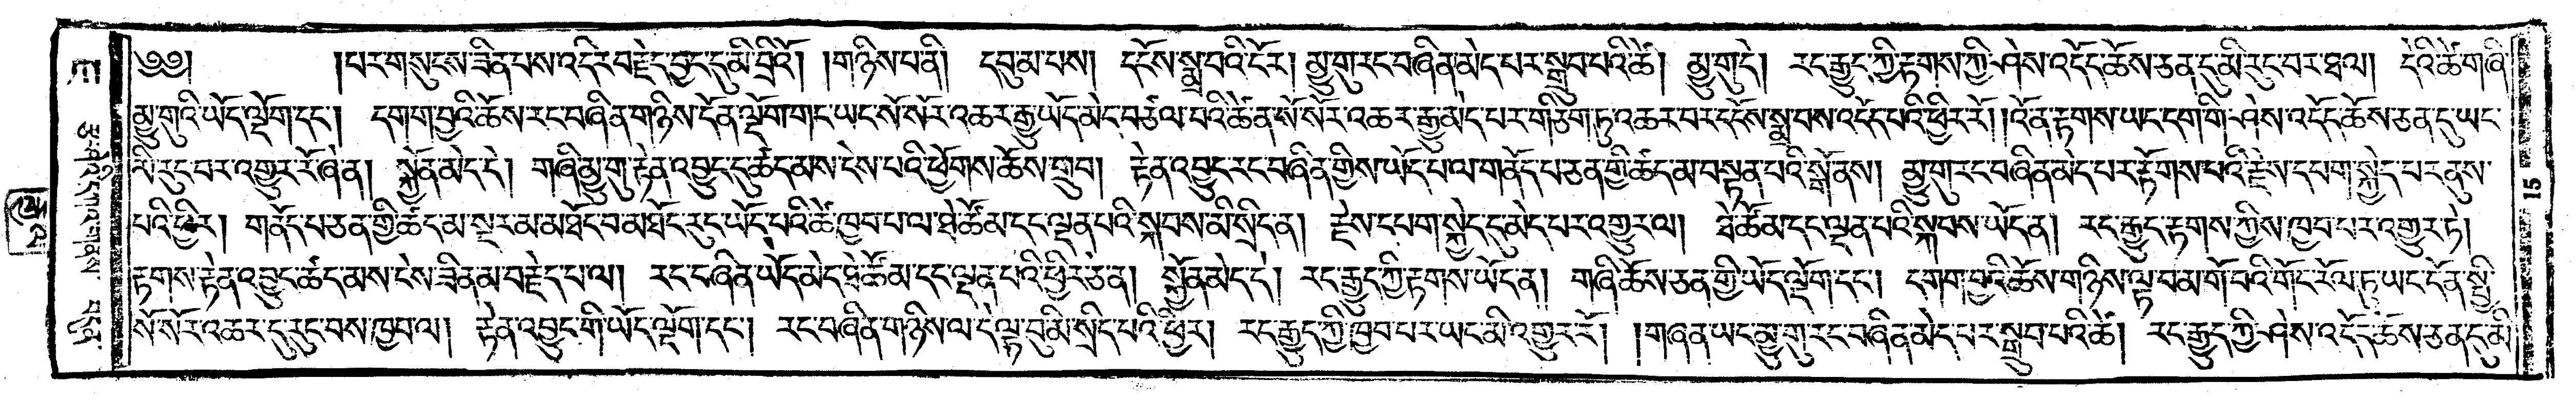༄༅། །པར་གསུངས་ཟིན་པས་འདིར་བརྗེད་བྱང་དུ་མི་བྲིའོ། །གཉིས་པ་ནི། དབུ་མ་པས། དངོས་སྨྲ་བའི་ངོར། མྱུ་གུ་རང་བཞིན་མེད་པར་སྒྲུབ་པའི་ཚེ། མྱུ་གུ་དེ། རང་རྒྱུད་ཀྱི་རྟགས་ཀྱི་ཤེས་འདོད་ཆོས་ཅན་དུ་མི་རུང་བར་ཐལ། དེའི་ཚེ་གཞི་
མྱུ་གུའི་ཡོད་ལྡོག་དང་། དགག་བྱའི་ཆོས་རང་བཞིན་གཉིས་དོན་ལྡོག་གང་ཡང་སོ་སོར་འཆར་རྒྱུ་ཡོད་མེད་བཙལ་བའི་ཚེ་ན་སོ་སོར་འཆར་རྒྱུ་མེད་པར་གཅིག་ཏུ་འཆར་བར་དངོས་སྨྲ་བས་འདོད་པའི་ཕྱིར་རོ། །འོ་ན་རྟགས་ཡང་དག་གི་ཤེས་འདོད་ཆོས་ཅན་དུ་ཡང་
མི་རུང་བར་འགྱུར་རོ་ཞེ་ན། སྐྱོན་མེད་དེ། གཞི་མྱུ་གུ་རྟེན་འབྱུང་དུ་ཚད་མས་ངེས་པའི་ཕྱོགས་ཆོས་གྲུབ། རྟེན་འབྱུང་རང་བཞིན་གྱིས་ཡོད་པ་ལ་གནོད་པ་ཅན་གྱི་ཚད་མ་བསྟན་པའི་སྒོ་ནས། མྱུ་གུ་རང་བཞིན་མེད་པར་རྟོགས་པའི་རྗེས་དཔག་སྐྱེད་པར་ནུས་
པའི་ཕྱིར། གནོད་པ་ཅན་གྱི་ཚད་མ་སྔར་མ་མཐོང་བ་མཐོང་རུང་ཡོད་པའི་ཚེ་ཁྱབ་པ་ལ་ཐེ་ཚོམ་དང་ལྡན་པའི་སྐབས་མི་སྲིད་ན། རྗེས་དཔག་སྐྱེད་དུ་མེད་པར་འགྱུར་ལ། ཐེ་ཚོམ་དང་ལྡན་པའི་སྐབས་ཡོད་ན། རང་རྒྱུད་རྟགས་ཀྱིས་ཁྱབ་པར་འགྱུར་ཏེ།
རྟགས་རྟེན་འབྱུང་ཚད་མས་ངེས་ཟིན་མ་བརྗེད་པ་ལ། རང་བཞིན་ཡོད་མེད་ཐེ་ཚོམ་དང་ལྡན་པའི་ཕྱིར་ཅེ་ན། སྐྱོན་མེད་དེ། རང་རྒྱུད་ཀྱི་རྟགས་ཡོད་ན། གཞི་ཆོས་ཅན་གྱི་ཡོད་ལྡོག་དང་། དགག་བྱའི་ཆོས་གཉིས་ལྟ་བ་མ་གོ་བའི་གོང་རོལ་ཏུ་ཡང་དོན་སྤྱི་
སོ་སོར་འཆར་དུ་རུང་བས་ཁྱབ་ལ། རྟེན་འབྱུང་གི་ཡོད་ལྡོག་དང་། རང་བཞིན་གཉིས་ལ་དེ་ལྟ་བུ་མི་སྲིད་པའི་ཕྱིར། རང་རྒྱུད་ཀྱི་ཁྱབ་པར་ཡང་མི་འགྱུར་རོ། །གཞན་ཡང་མྱུ་གུ་རང་བཞིན་མེད་པར་སྒྲུབ་པའི་ཚེ། རང་རྒྱུད་ཀྱི་ཤེས་འདོད་ཆོས་ཅན་དུ་མི་